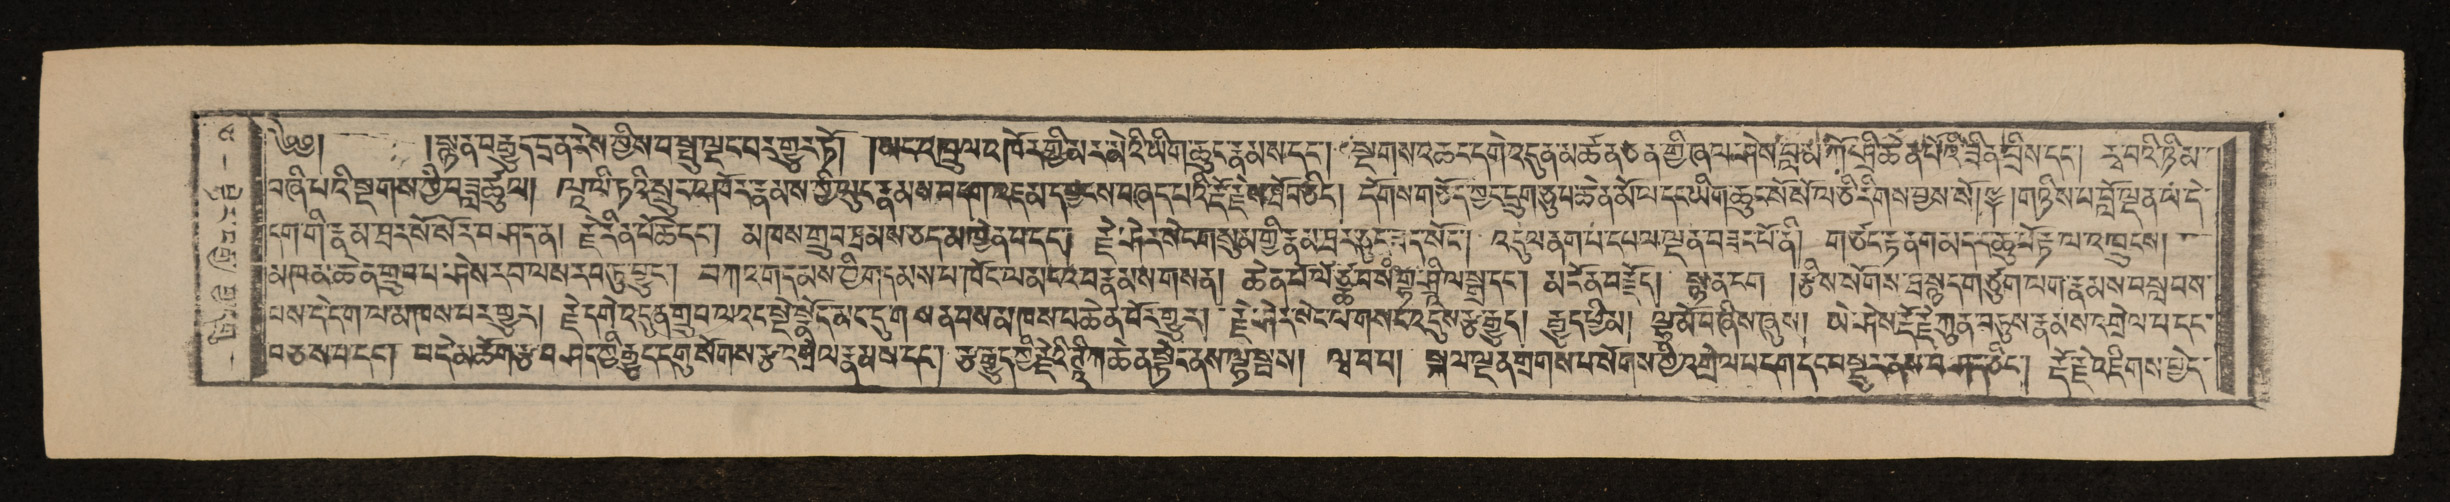༄༅། །སྙན་བརྒྱུད་དྲན་རེས་ཀྱིས་བ་སྤུ་ལྡང་བར་གྱུར་ཏོ། །ཡང་འཁྲུལ་འཁོར་གྱི་མར་མེའི་ཡིག་ཆུང་རྣམས་དང་། སྔགས་འཆང་དགེ་འདུན་མཚན་ཅན་གྱི་ཞལ་ཤེས་བླ་མ་ཀོ་ཤྲི་ཆེན་པོའི་ཟིན་བྲིས་དང་། རྭ་བའི་ཉི་མ་
བཞི་པའི་སྔགས་ཀྱི་བཟླ་ཚུལ། ལཱ་ལི་ཏའི་སྲུང་འཁོར་རྣམས་ཀྱི་ལུང་རྣམས་བདག་འཇམ་དབྱངས་བཞད་པའི་རྡོ་རྗེས་ཐོབ་ཅིང་། དོགས་གཅོད་ཀྱང་དྲུག་ཅུ་པ་ཆེན་མོ་ལ་དང་ཡིག་ཆུང་སོ་སོ་ལ་ཅི་རིགས་བྱས་སོ། ༈ །གཉིས་པ་བློ་ལྡན་ལ་དེ་
དག་གི་རྣམ་ཐར་སོ་སོར་བཤད་ན། རྗེ་རིན་པོ་ཆེ་དང་། མཁས་གྲུབ་ཐམས་ཅད་མཁྱེན་པ་དང་། རྗེ་ཤེར་སེང་གསུམ་གྱི་རྣམ་ཐར་ཅུང་ཟད་སོང་། འདུལ་ནག་པ་དཔལ་ལྡན་བཟང་པོ་ནི། གཙང་རྟ་ནག་མངར་ཆུ་ཕོ་རྟ་ལ་འཁྲུངས།
མཁན་ཆེན་གྲུབ་པ་ཤེས་རབ་ལས་རབ་ཏུ་བྱུང་། བཀའ་གདམས་ཀྱི་གདམས་པ་ཁོང་ལ་མངའ་བ་རྣམས་གསན། ཆེན་པོ་ལོ་ཙྪ་བ་སཾ་གྷ་ཤྲཱི་ལ་སྒྲ་དང་། མངོན་བརྗོད། སྙན་ངག །རྩིས་སོགས་ཐ་སྙད་གཙུག་ལག་རྣམས་བསླབས་
པས་དེ་དག་ལ་མཁས་པར་གྱུར། རྗེ་དགེ་འདུན་གྲུབ་ལའང་སྡེ་སྣོད་མང་དུ་གསན་པས་མཁས་པ་ཆེན་པོར་གྱུར། རྗེ་ཤེར་སེང་ལ་གསང་འདུས་རྩ་རྒྱུད། རྒྱུད་ཕྱི་མ། ལྷ་མོ་བཞིས་ཞུས། ཡེ་ཤེས་རྡོ་རྗེ་ཀུན་བཏུས་རྣམས་འགྲེལ་པ་དང་
བཅས་པ་དང་། བདེ་མཆོག་རྩ་བཤད་ཀྱི་རྒྱུད་དགུ་སོགས་རྩ་འགྲེལ་རྣམས་དང་། རྩ་རྒྱུད་ཀྱི་རྗེའི་ཊཱིཀ་ཆེན་སྟེང་ནས་ལྷ་སྦས། ལྭ་བ་པ། སྐལ་ལྡན་གྲགས་པ་སོགས་ཀྱི་འགྲེལ་པ་དག་དང་བསྡུར་ནས་བཤད་ཅིང་། རྡོ་རྗེ་འཇིགས་བྱེད་